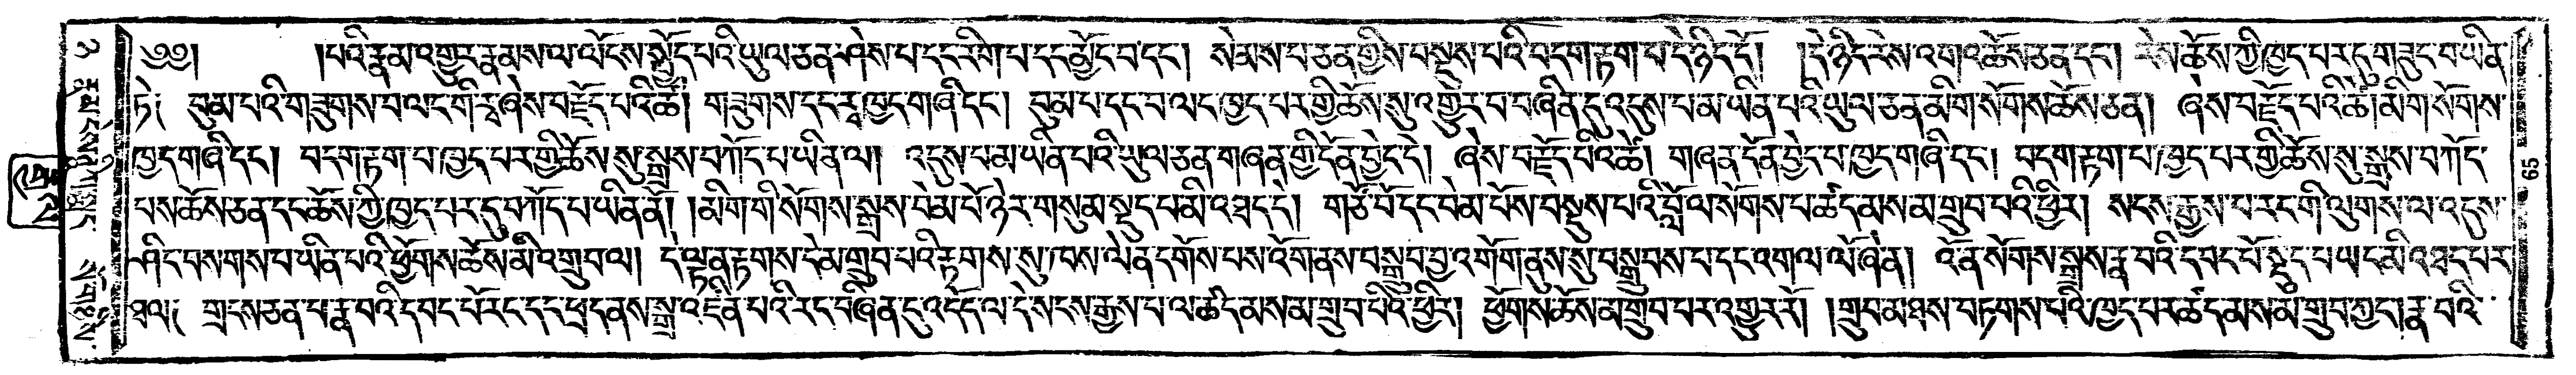༄༅། །པའི་རྣམ་འགྱུར་རྣམས་ལ་ལོངས་སྤྱོད་པའི་ཡུལ་ཅན་ཤེས་པ་དང་རིག་པ་དང་མྱོང་བ་དང་། སེམས་པ་ཅན་གྱིས་བསྡུས་པའི་བདག་རྟག་པ་དེ་ཉིད་དོ། །དེ་ཉིད་རེས་འགའ་ཆོས་ཅན་དང་། རེས་ཆོས་ཀྱི་ཁྱད་པར་དུ་གཟུང་བ་ཡིན་
ཏེ༑ བུམ་པའི་གཟུགས་པ་ལང་གི་རྭ་ཞེས་བརྗོད་པའི་ཆ། གཟུགས་དང་རྭ་ཁྱད་གཞི་དང་། བུམ་པ་དང་བ་ལང་ཁྱད་པར་གྱི་ཆོས་སུ་འགྱུར་བ་བཞིན་དུ་འདུས་པ་མ་ཡིན་པའི་ཡུལ་ཅན་མིག་སོགས་ཆོས་ཅན། ཞེས་བརྗོད་པའི་ཆེ། མིག་སོགས་
ཁྱད་གཞི་དང་། བདག་རྟག་པ་ཁྱད་པར་གྱི་ཆོས་སུ་སྒྲས་བཀོད་པ་ཡིན་ལ། འདུས་པ་མ་ཡིན་པའི་ཡུལ་ཅན་གཞན་གྱི་དོན་བྱེད་དེ། ཞེས་བརྗོད་པའི་ཚེ། གཞན་དོན་བྱེད་པ་ཁྱད་གཞི་དང་། བདག་རྟག་པ་ཁྱད་པར་གྱི་ཆོས་སུ་སྒྲས་བཀོད་
པས་ཆོས་ཅན་དང་ཆོས་ཀྱི་ཁྱད་པར་དུ་བཀོད་པ་ཡིན་ནོ། །མིག་གི་སོགས་སྒྲས་བེམ་པོ་ཉེར་གསུམ་སྡུད་པ་མི་འཐད་དེ། གཙོ་བོ་དང་བེམ་པོས་བསྡུས་པའི་བློ་ལ་སོགས་པ་ཚད་མས་མ་གྲུབ་པའི་ཕྱིར། སངས་རྒྱས་པ་རང་གི་ལུགས་ལ་འདུས་
ཤིང་བསགས་པ་ཡིན་པའི་ཕྱོགས་ཆོས་མི་འགྲུབ་ལ། དེ་ལྟ་ན་རྟགས་དེ་མ་གྲུབ་པའི་རྟགས་སུ་ཁས་ལེན་དགོས་པས་འོག་ནས་བསྒྲུབ་བྱ་འགོག་ནུས་སུ་བསྒྲུབས་པ་དང་འགལ་ལོ་ཞེ་ན། འོ་ན་སོགས་སྒྲས་རྣ་བའི་དབང་པོ་སྡུད་པ་ཡང་མི་འཐད་པར་
ཐལ༑ གྲངས་ཅན་པ་རྣ་བའི་དབང་པོ་རང་དང་ཕྲད་ནས་སྒྲ་འཛིན་པའི་རང་བཞིན་དུ་འདོད་ལ་དེ་སངས་རྒྱས་པ་ལ་ཚད་མས་མ་གྲུབ་པའི་ཕྱིར། ཕྱོགས་ཆོས་མ་གྲུབ་པར་འགྱུར་རོ། །གྲུབ་མཐས་བཏགས་པའི་ཁྱད་པར་ཚད་མས་མ་གྲུབ་ཀྱང་། རྣ་བའི་